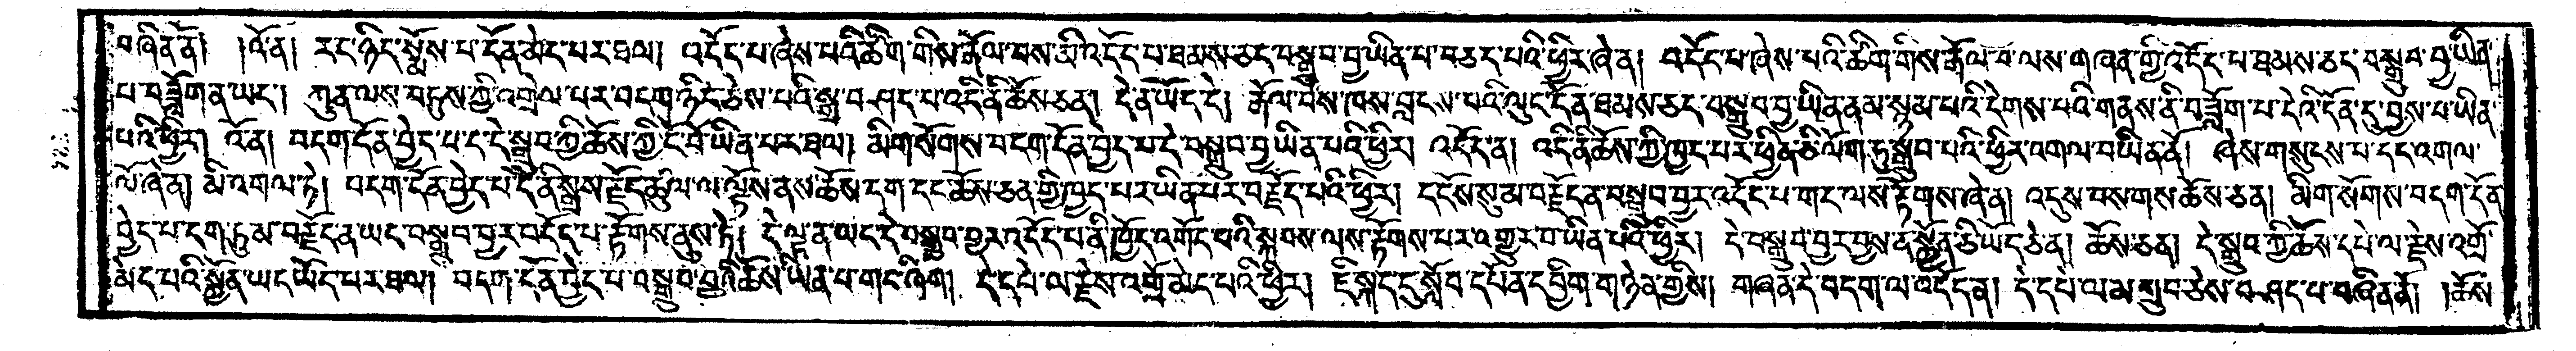བཞིན་ནོ། །འོ་ན། རང་ཉིད་སྨོས་པ་དོན་མེད་པར་ཐལ། འདོད་པ་ཞེས་པའི་ཚིག་གིས་རྒོལ་བས་མི་འདོད་པ་ཐམས་ཅད་བསྒྲུབ་བྱ་ཡིན་པ་བཅད་པའི་ཕྱིར་ཞེ་ན། འདོད་པ་ཞེས་པའི་ཚིག་གིས་རྒོལ་བ་ལས་གཞན་གྱི་འདོད་པ་ཐམས་ཅད་བསྒྲུབ་བྱ་ཡིན་
པ་བཟློག་ན་ཡང་། ཀུན་ལས་བཏུས་ཀྱི་འགྲེལ་པར་བདག་ཉིད་ཅེས་པའི་སྒྲ་བཤད་པ་འདི་ནི་ཆོས་ཅན། དེ་ན་ཡོད་དེ། རྒོལ་བས་ཁས་བླངས་པའི་ལུང་དོན་ཐམས་ཅད་བསྒྲུབ་བྱ་ཡིན་ནམ་སྙམ་པའི་དེགས་པའི་གནས་ནི་བཟློག་པ་དེའི་དོན་དུ་བྱས་པ་ཡིན་
པའི་ཕྱིར། འོ་ན། བདག་དོན་བྱེད་པ་ད་དེ་སྒྲུབ་ཀྱི་ཆོས་ཀྱི་ངོ་བོ་ཡིན་པར་ཐལ། མིག་སོགས་བདག་དོན་བྱེད་པ་དེ་བསྒྲུབ་བྱ་ཡིན་པའི་ཕྱིར། འདོད་ན། འདི་ནི་ཆོས་ཀྱི་ཁྱད་པར་ཕྱིན་ཅི་ལོག་ཏུ་སྒྲུབ་པའི་ཕྱིར་འགལ་བ་ཡིན་ནོ། ཞེས་གསུངས་པ་དང་འགལ་
ལོ་ཞེ་ན། མི་འགལ་ཏེ། བདག་དོན་བྱེད་པ་དེ་ནི་སྒྲས་རྗོད་ཚུལ་ལ་ལྟོས་ནས་ཆོས་དག་དང་ཆོས་ཅན་གྱི་ཁྱད་པར་ཡིན་པར་བརྗོད་པའི་ཕྱིར། དངོས་སུ་མ་བརྗོད་ན་བསྒྲུབ་བྱར་འདོད་པ་གང་ལས་རྟོགས་ཞེ་ན། འདུས་བསགས་ཆོས་ཅན། མིག་སོགས་བདག་དོན་
བྱེད་པ་དག་ཏུ་མ་བརྗོད་ན་ཡང་བསྒྲུབ་བྱར་བདོད་པ་རྟོགས་ནུས་ཏེ། དེ་ལྟ་ན་ཡང་དེ་བསྒྲུབ་བྱར་འདོད་པ་ནི་ཁྱོད་འགོང་པའི་སྐབས་ལས་རྟོགས་པར་འགྱུར་བ་ཡིན་པའི་ཕྱིར། དེ་བསྒྲུབ་བྱར་བྱས་ན་སྐྱོན་ཅི་ཡོད་ཅེ་ན། ཆོས་ཅན། དེ་སྒྲུབ་ཀྱི་ཆོས་དཔེ་ལ་རྗེས་འགྲོ་
མེད་པའི་སྐྱོན་ཡང་ཡོད་པར་ཐལ། བདག་དོན་བྱེད་པ་བསྒྲུབ་བྱའི་ཆོས་ཡིན་པ་གང་ཞིག། དེ་དཔེ་ལ་རྗེས་འགྲོ་མེད་པའི་ཕྱིར། ཇི་སྐད་དུ་སློབ་དཔོན་དབྱིག་གཉེན་གྱིས། གཞན་དེ་བདག་ལ་འདོད་ན། དེ་དཔེ་ལ་མ་གྲུབ་ཅེས་བཤད་པ་བཞིན་ནོ། །ཆོས་